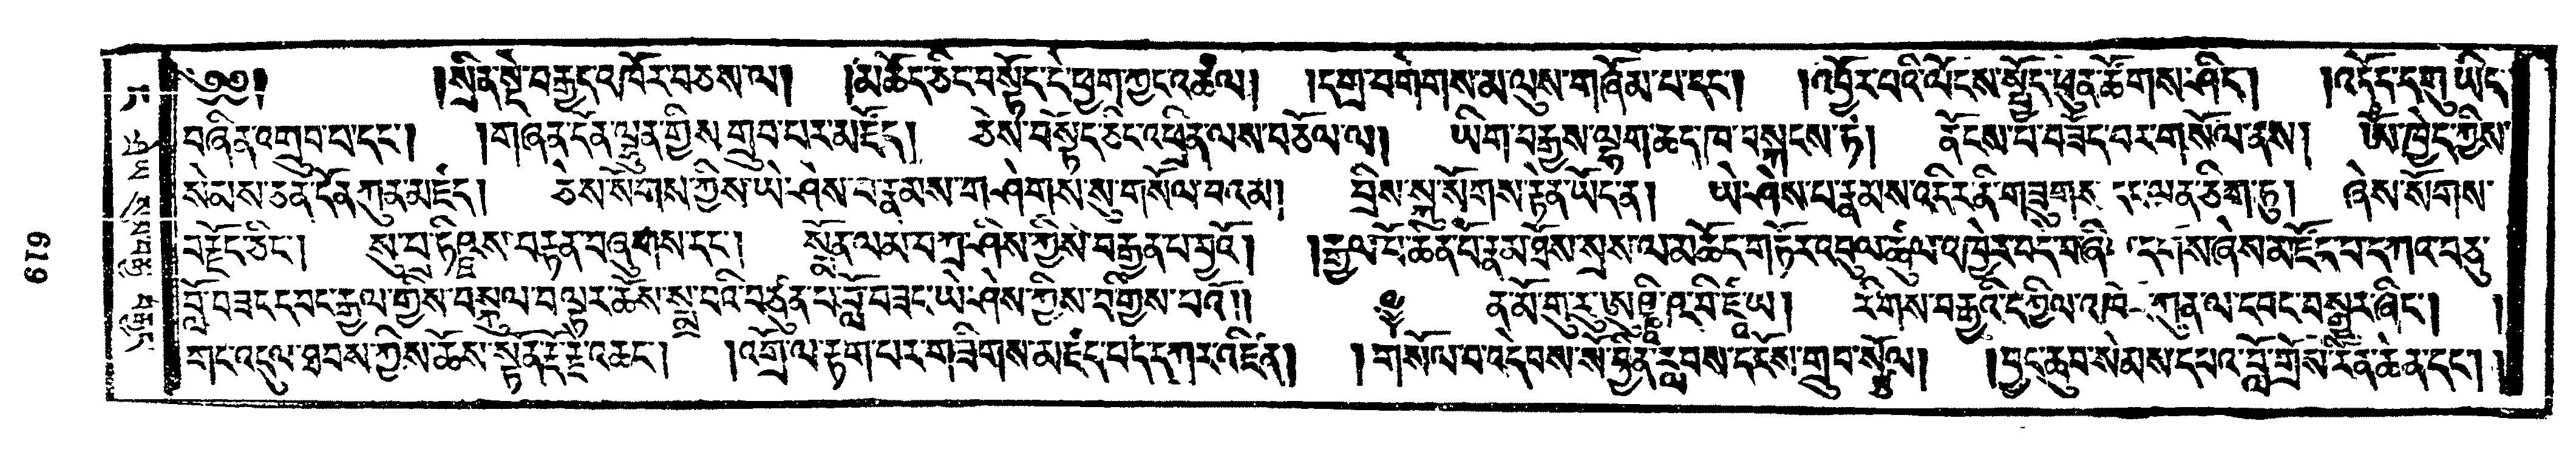༄༅། །སྲིན་སྡེ་བརྒྱད་འཁོར་བཅས་ལ། །མཆོད་ཅིང་བསྟོད་དེ་ཕྱག་ཀྱང་འཚལ། །དགྲ་བགེགས་མ་ལུས་གཞོམ་པ་དང་། །འབྱོར་པའི་ལོངས་སྤྱོད་ཕུན་ཚོགས་ཤིང་། །འདོད་དགུ་ཡིད་
བཞིན་འགྲུབ་པ་དང་། །གཞན་དོན་ལྷུན་གྱིས་གྲུབ་པར་མཛོད། ཅེས་བསྟོད་ཅིང་འཕྲིན་ལས་བཅོལ་ལ། ཡིག་བརྒྱས་ལྷག་ཆད་ཁ་བསྐངས་ཏེ། ནོངས་པ་བཟོད་པར་གསོལ་ནས། ཨོཾ་ཁྱེད་ཀྱིས་
སེམས་ཅན་དོན་ཀུན་མཛད། ཅེས་སོགས་ཀྱིས་ཡེ་ཤེས་པ་རྣམས་གཤེགས་སུ་གསོལ་བའམ། བྲིས་སྐུ་སོགས་རྟེན་ཡོད་ན། ཡེ་ཤེས་པ་རྣམས་འདིར་ནི་གཟུགས་དང་ལན་ཅིག་ཏུ། ཞེས་སོགས་
བརྗོད་ཅིང་། སུ་པྲ་ཏིཥཊཿཨ་ས་བརྟན་བཞུགས་དང་། སྨོན་ལམ་བཀྲ་ཤིས་ཀྱིས་བརྒྱན་པ་བྱའོ། །རྒྱལ་པོ་ཆེན་པོ་རྣམ་ཐོས་སྲས་ལ་མཆོད་གཏོར་འབུལ་ཚུལ་འཁྱེར་བདེ་བ་ཞིས་དགོས་ཞེས་མཛོད་པ་དཀའ་བཅུ་
བློ་བཟང་དབང་རྒྱལ་གྱིས་བསྐུལ་བ་ལྟར་ཆོས་སྨྲ་བའི་བཙུན་པ་བློ་བཟང་ཡེ་ཤེས་ཀྱིས་བགྱིས་པའོ།། ༈ ན་མོ་གུ་རུ་ཨུཥྞཱི་ཥ་བི་ཛཱ་ཡ། རིགས་བརྒྱའི་དཀྱིལ་འཁོར་ཀུན་ལ་དབང་བསྒྱུར་ཞིང་། །
གང་འདུལ་ཐབས་ཀྱིས་ཆོས་སྟོན་རྡོ་རྗེ་འཆང་། །འགྲོ་ལ་རྟག་པར་གཟིགས་མཛད་པད་དཀར་འཛིན། །གསོལ་བ་འདེབས་སོ་བྱིན་རླབས་དངོས་གྲུབ་སྩོལ། །བྱང་ཆུབ་སེམས་དཔའ་བློ་གྲོས་རིན་ཆེན་དང་། །